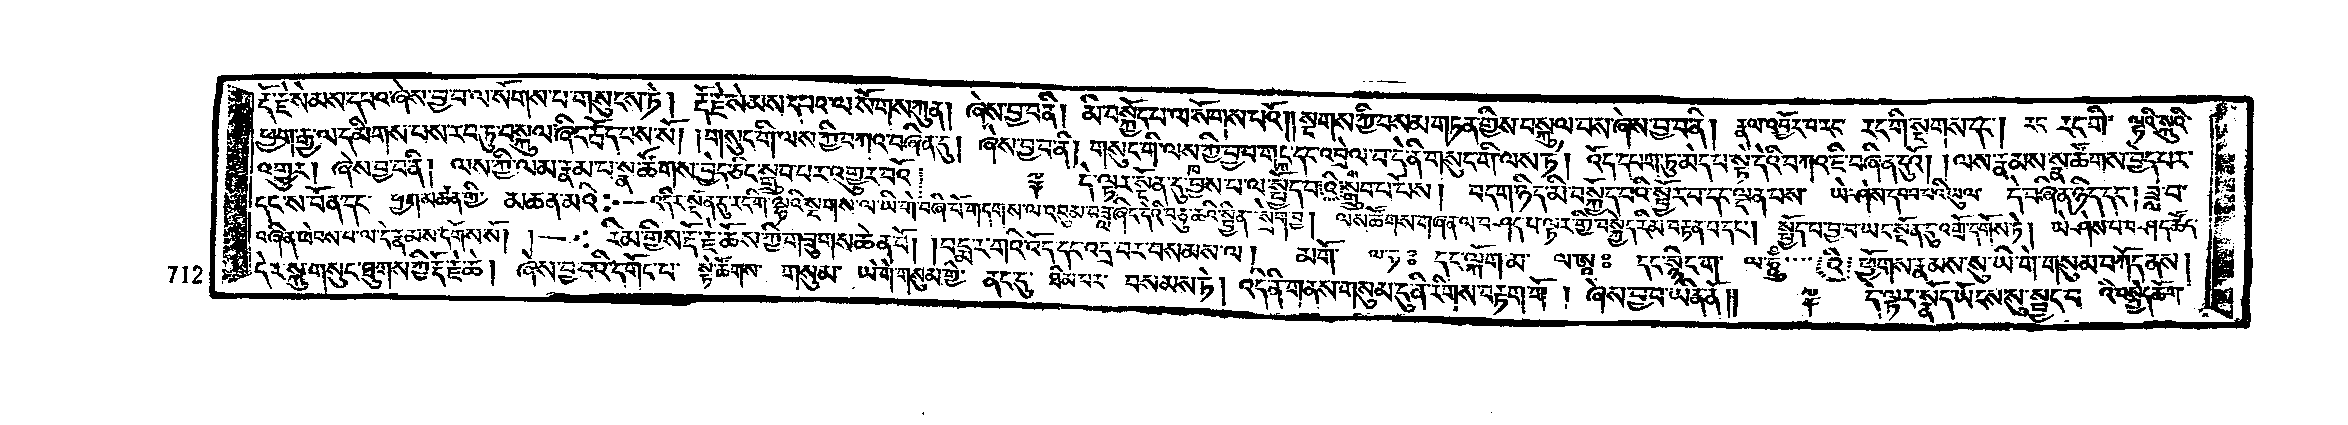རྡོ་རྗེ་སེམས་དཔའ་ཞེས་བྱ་བ་ལ་སོགས་པ་གསུངས་ཏེ། རྡོ་རྗེ་སེམས་དཔའ་ལ་སོགས་ཀུན། ཞེས་བྱ་བ་ནི། མི་བསྐྱོད་པ་ལ་སོགས་པའོ། །སྔགས་ཀྱི་བསམ་གཏན་གྱིས་བསྐུལ་བས་ཞེས་བྱ་བ་ནི། རྣལ་འབྱོར་བ་རང་རང་གི་སྔགས་དང་། རང་རང་གི་ལྷའི་སྐུའི
ཕྱག་རྒྱ་ལ་དམིགས་པར་རབ་ཏུ་བསྐུལ་ཞིང་རྦོད་པས་སོ། །གསུང་གི་ལས་ཀྱི་བཀའ་བཞིན་དུ། ཞེས་བྱ་བ་ནི། གསུང་གི་ལས་ཀྱི་བྱ་བ་གང་དང་འབྲེལ་བ་དེ་ནི་གསུང་གི་ལས་ཏེ། འོད་དཔག་ཏུ་མེད་པ་སྟེ་དེའི་བཀའ་ཇི་བཞིན་དུའོ། །ལས་རྣམས་སྣ་ཚོགས་བྱེད་པར་
འགྱུར། ཞེས་བྱ་བ་ནི། ལས་ཀྱི་ལམ་རྣམ་པ་སྣ་ཚོགས་བྱེད་ཅིང་སྒྲུབ་པར་འགྱུར་བའོ། ༈ དེ་ལྟར་སྔོན་དུ་ཁ་བྱས་པ་ལ་ཀ་སྤྱོད་པའི་སྒྲུབ་པ་པོས། བདག་ཉིད་མི་བསྐྱོད་པའི་སྦྱོར་བ་དང་ལྡན་པས་ཡེ་ཤེས་དབབ་པའི་ཡུལ་དེ་བཞིན་ཉིད་དང་། ཟླ་བ་
དང་ས་བོན་དང་ཕྱག་མཚན་གྱི་མཚན་མའི་འདིར་སྔོན་དུ་རང་གི་ལྷའི་སྔགས་ལ་ཡི་གེ་བཞི་པོ་གདགས་ལ་འབུམ་བཟླ་ཞིང་དེའི་བཅུ་ཆའི་སྦྱིན་སྲེག་བྱ། ལས་ཚོགས་གཞན་ལ་བཤད་པ་ལྟར་གྱི་བསྐྱེད་རིམ་བརྟན་པ་དང་། སྤྱོད་པ་བྱ་བ་ཡང་སྔོན་དུ་འགྲོ་དགོས་ཏེ། ཡེ་ཤེས་པ་བཤད་ཚོད་
བཞིན་ཕེབས་པ་ལ་དེ་རྣམས་དགོས་སོ། ། .H རིམ་གྱིས་རྡོ་རྗེ་ཆོས་ཀྱི་གཟུགས་ཆེན་པོ། པདམ་ར་གའི་འོད་དང་འདྲ་བར་བསམས་ལ། མགོ་ལཧཿ་དང་ལྐོག་མ་ལ་ཨཱཿ་དང་སྙིང་ག་ལ་ཧཱུཾ་འི་ཕྱོགས་རྣམས་སུ་ཡི་གེ་གསུམ་བཀོད་ནས།
དེར་སྐུ་གསུང་ཐུགས་ཀྱི་རྡོ་རྗེ་ཆེ། ཞེས་བྱ་བའི་དགོང་པ་སྟེ་ཚོགས་གསུམ་ཡེ་གེ་གསུམ་གྱི་ནང་དུ་ཐིམ་པར་བསམས་ཏེ། འདི་ནི་གནས་གསུམ་དུ་ནི་རིགས་བརྟག་གོ །ཞེས་བྱ་བ་ཡིན་ནོ།། ༈ དེ་ལྟར་སྣོད་ཡོངས་སུ་སྦྱང་བའི་བསྐྱེད་ཆོག་